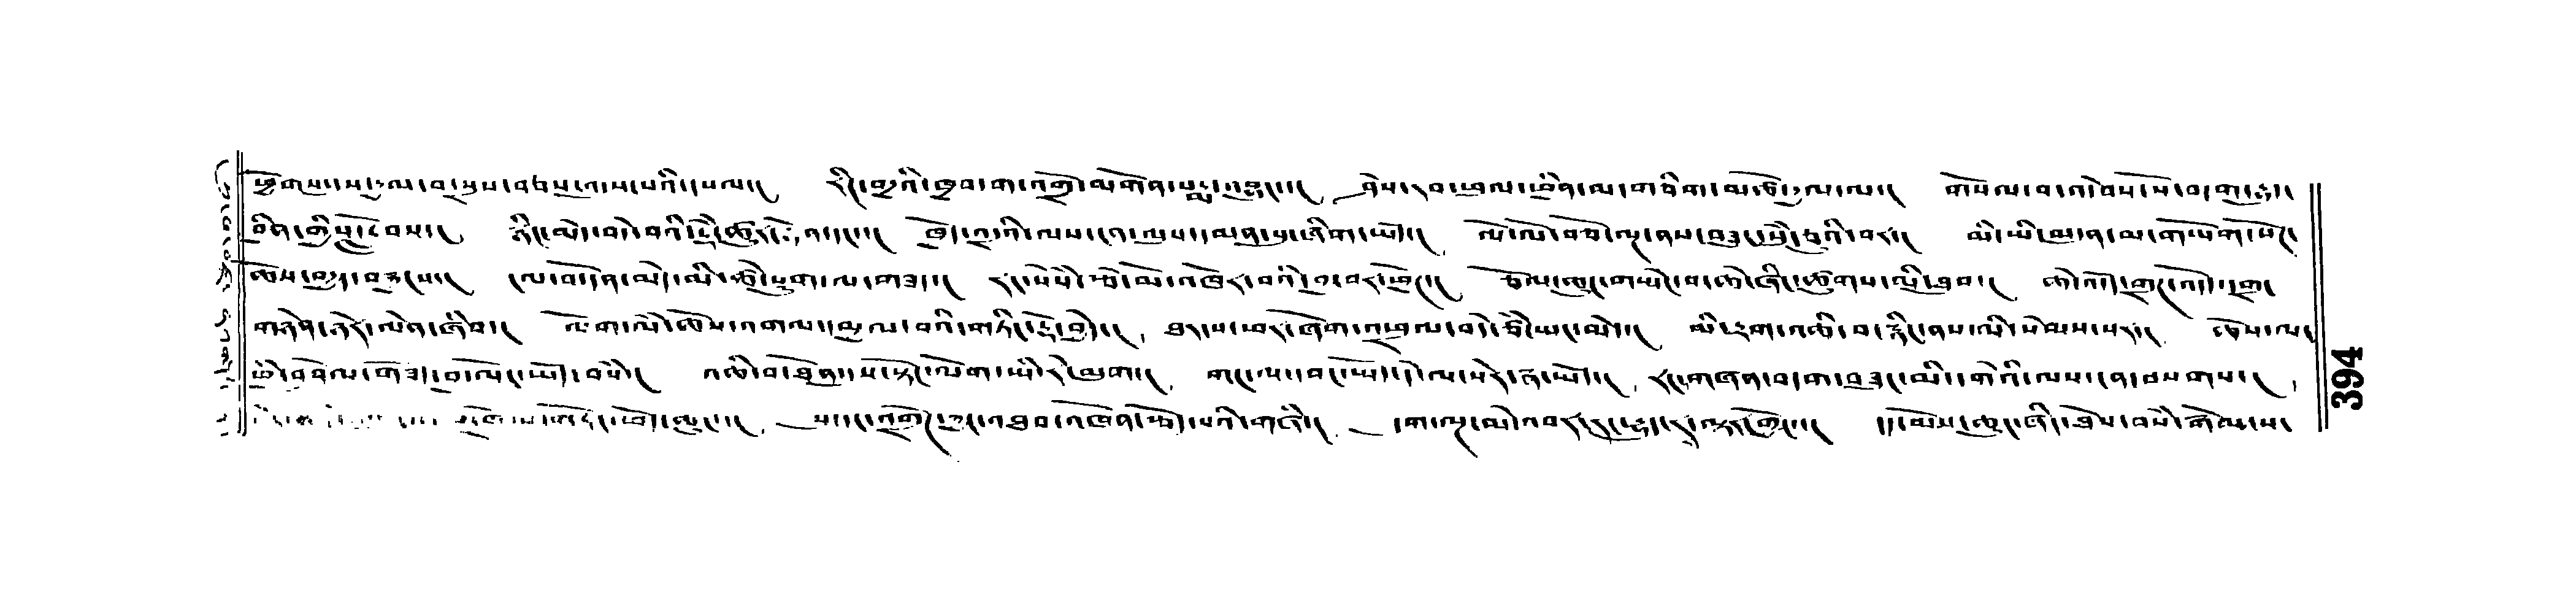ཕྱོགས་དུས་རྒྱལ་བ་སྲས་བཅས་འདུས་པའི་དཔལ། །རིགས་བརྒྱའི་ཁྱབ་བདག་འགྲོ་མགོན་པདྨ་འབྱུང་། །ཤེས་རབ་ཕུལ་ཕྱིན་མ་གཅིག་མཚོ་རྒྱལ་ལ། །གསོལ་བ་འདེབས་སོ་བདག་རྒྱུད་
བྱིན་གྱིས་རློབས། །སྙིང་མེད་བདེ་བའི་རྡོ་རྗེ་ཚུར་ཉོན་དང་། ཁྱོད་འདྲའི་ལས་ངན་ལུས་དམན་སུ་ཞིག་ཡོད། །མོ་ལོ་བཅོ་ལྔ་ནས་བཟུང་སུམ་ཅུའི་བར། །མི་ཡི་མདུན་མ་གཡོག་སོགས་
ཆོས་བརྒྱད་བསྐྱངས། །ངལ་བ་དོན་མེད་མི་ཚེ་སྡུག་ལ་གཟད། །རང་སེམས་རྩེ་མོ་འཁོར་བའི་བྱ་བར་ཕྱོགས། །ཅོལ་ཆུང་གཡེང་བ་ཆེ་ཞིང་ཚུགས་མི་ཐུབ། །ཆེ་འདོད་གྲགས་འདོད་དགྲ་
གཉེན་ཉེར་ལེན་ཞིབ། །ལོག་ལམ་ཆོས་འགལ་དམྱལ་བའི་གཏིང་རྡོ་བྱེད། །ཐར་པ་ཕར་ཞོག་འཕྲལ་བདེ་ཙམ་ཡང་མེད། །མི་རྟག་འཆི་བ་སྙིང་ནས་མི་སེམས་པར། །ཆོས་ལ་
ཕྱི་བཤོལ་གཟོད་བྱ་ལོང་ཡོད་བསམ། །འཆི་བ་ཐོན་དུས་སྟོང་ལོག་ཡི་རེ་མུག།གང་ལ་དབང་ཡོད་དེ་ལ་སེར་སྣ་ཡོད། །རང་གཞན་བདག་བཟུང་མི་དགེའི་ལས་ངན་བསགས། །
སེར་སྣའི་མདུད་པ་མ་ཁྲོལ་གཏོང་ཕོད་ཆུང་། །སུ་དང་འགྲོགས་ཀྱང་འཐབ་འཁོར་རྩོད་པའི་གཞི། །དུག་ལྔ་མེ་འབར་རང་རྒྱུད་རྭ་ལྟར་གྱོང་། །དད་མོས་ཆུང་ཞིང་ཐོས་བསམ་སྒོམ་པ་